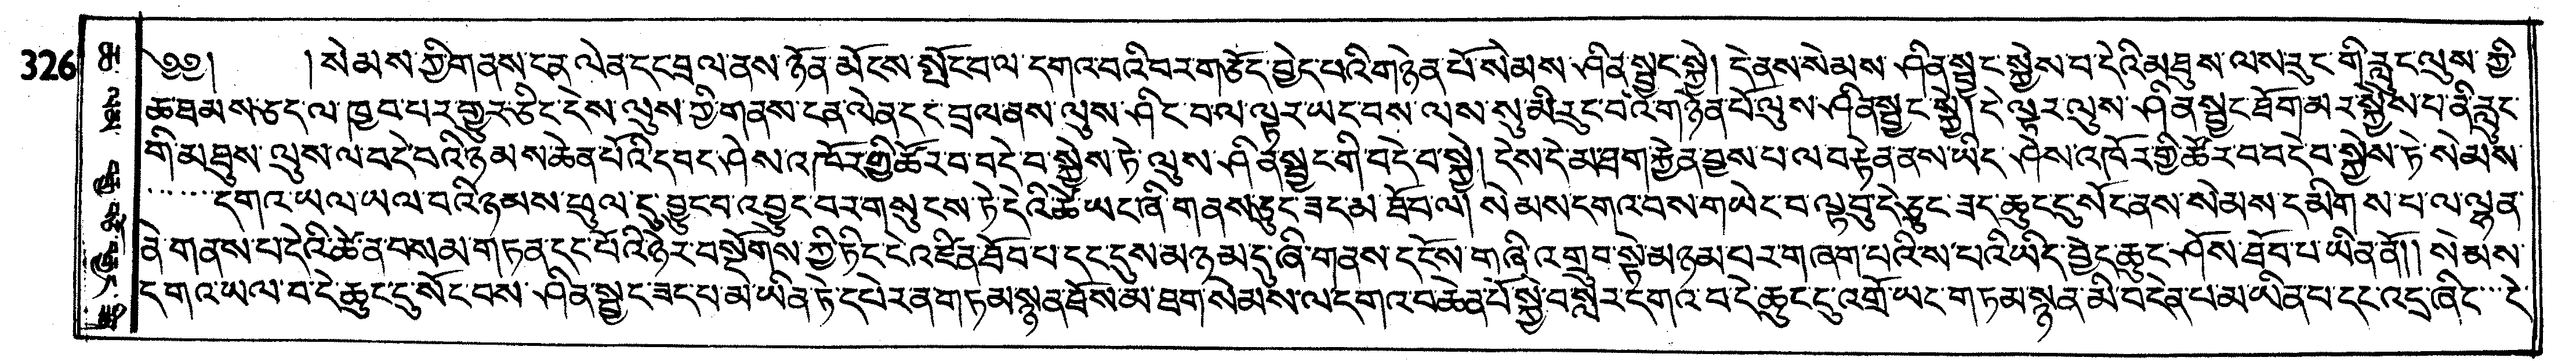༄༅། །སེམས་ཀྱི་གནས་ངན་ལེན་དང་བྲལ་ནས་ཉོན་མོགས་སྤོང་བ་ལ་དགའ་བའི་བར་གཅོད་བྱེད་པའི་གཉེན་པོ་སེམས་ཤིན་སྦྱང་སྐྱེ། དེ་ནས་སེམས་ཤིན་སྦྱང་སྐྱེས་པ་དེའི་མཐུས་ལས་རུང་གི་རླུང་ལུས་ཀྱི་
ཆ་ཐམས་ཅད་ལ་ཁྱབ་པར་གྱུར་ཅིང་དེས་ལུས་ཀྱི་གནས་ངན་ལེན་དང་བྲལ་ནས་ལུས་ཤིང་བ་ལ་ལྟར་ཡང་བས་ལས་སུ་མི་རུང་བའི་གཉེན་པོ་ལུས་ཤིན་སྦྱང་སྐྱེ། དེ་ལྟར་ལུས་ཤིན་སྦྱང་ཐོག་མར་སྐྱེས་པ་ནི་རླུང་
གི་མཐུས་ལུས་ལ་བདེ་བའི་ཉམས་ཆེན་པོའི་དབང་ཤེས་འཁོར་གྱི་ཚོར་བ་བདེ་བ་སྐྱེས་ཏེ་ལུས་ཤིན་སྦྱང་གི་བདེ་བ་སྐྱེ། དེས་དེ་མ་ཐག་རྐྱེན་བྱས་པ་ལ་བརྟེན་ནས་ཡིད་ཤེས་འཁོར་གྱི་ཚོར་བ་བདེ་བ་སྐྱེས་ཏེ་སེམས་
དགའ་ཡལ་ཡལ་བའི་ཉམས་ཕུལ་དུ་བྱུང་བ་འབྱུང་བར་གསུངས་ཏེ་དེའི་ཚེ་ཡང་ཞི་གནས་ཅུང་ཟད་མ་ཐོབ་ལ། སེམས་དགའ་བས་གཡེང་བ་ལྟ་བུ་དེ་ཅུང་ཟད་ཆུང་དུ་སོང་ནས་སེམས་དམིགས་པ་ལ་ལྷན་
ནེ་གནས་པ་དེའི་ཚེ་ན་བསམ་གཏན་དང་པོའི་ཉེར་བསྡོགས་ཀྱི་ཏིང་ངེ་འཛིན་ཐོབ་པ་དང་དུས་མཉམ་དུ་ཞི་གནས་དངོས་གཞི་འགྲུབ་སྟེ་མཉམ་པར་གཞག་པའི་ས་པའི་ཡིད་བྱེད་ཆུང་ཤོས་ཐོབ་པ་ཡིན་ནོ། །སེམས་
དགའ་ཡལ་བ་དེ་ཆུང་དུ་སོང་བས་ཤིན་སྦྱང་ཟད་པ་མ་ཡིན་ཏེ་དཔེར་ན་གཏམ་སྙན་ཐོས་མ་ཐག་སེམས་ལ་དགའ་བ་ཆེན་པོ་སྐྱེ་བསླར་དགའ་བ་དེ་ཆུང་དུ་འགྲོ་ཡང་། གཏང་སྙན་མི་བདེན་པ་མ་ཡིན་པ་དང་འདྲ་ཞིང་དེ་